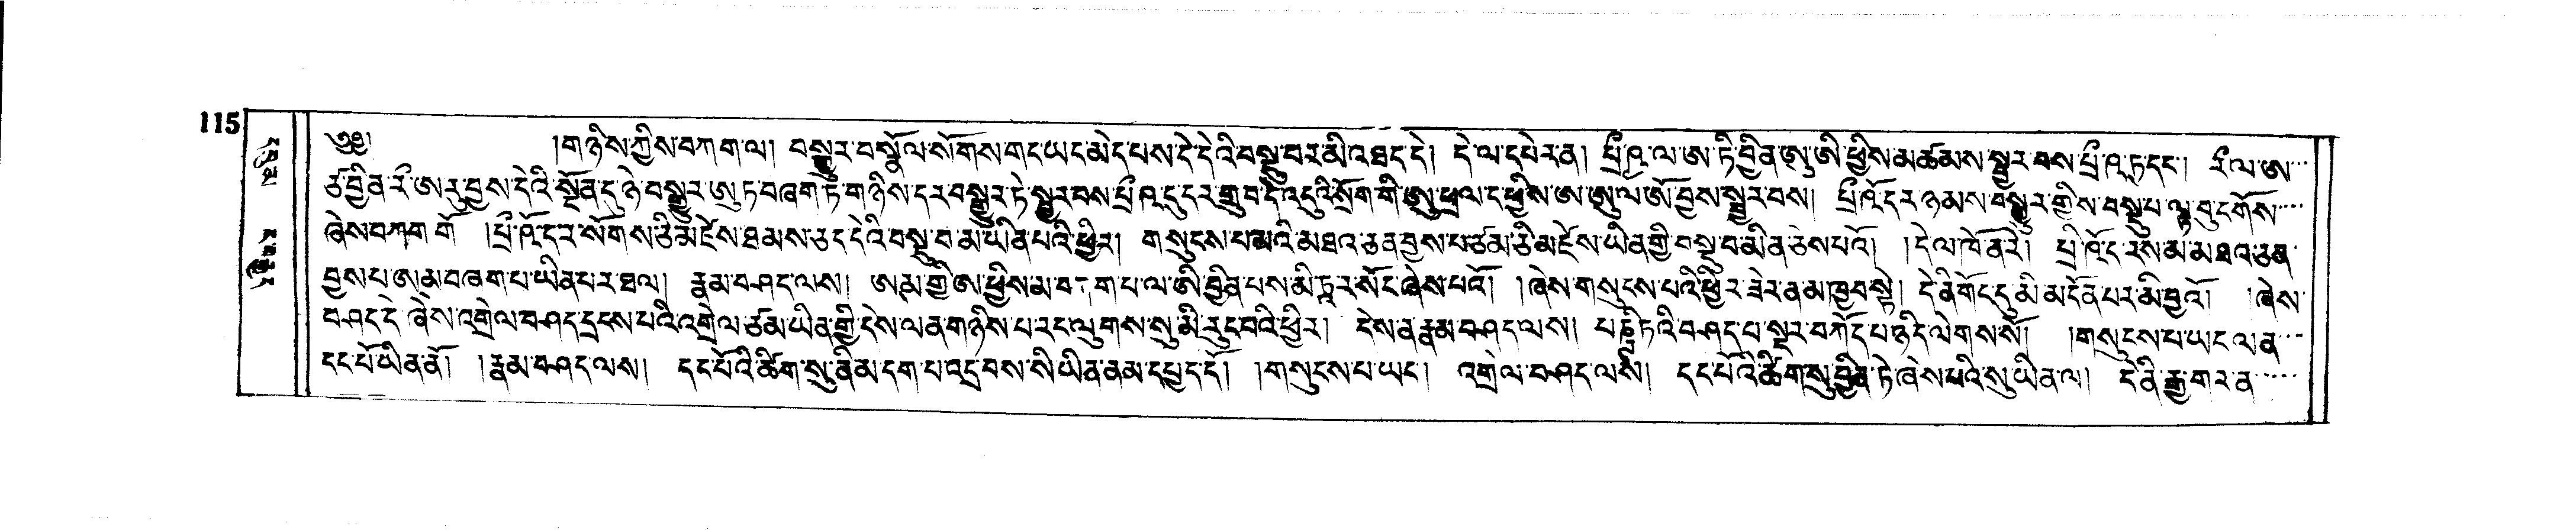༄༅། །གཉིས་ཀྱིས་བཀག་ལ། བསྒྱུར་བསྣོལ་སོགས་གང་ཡང་མེད་པས་དེ་དེའི་བསྡུ་བར་མི་འཐད་དེ། དེ་ལ་དཔེར་ན། པྲྀ་ཥ་ལ་ཨ་ཏི་བྱིན་ཨུ་ཨི་ཕྱིས་མཚམས་སྦྱར་བས་པྲྀ་ཥ་ཏ་དང་། རྀ་ལ་ཨ་
ཙ་བྱིན་རྀ་ཨ་རུ་བྱས་དེའི་སྔོན་དུ་ཉེ་བསྒྱུར་ཨུཏ་བཞག་ཏ་གཉིས་དར་བསྒྱུར་ཏེ་སྦྱར་བས་པྲྀ་ཥ་དུ་དར་གྲུབ་དེ་འདུའི་སྲོག་གི་ཨུ་ཕྲལ་ད་ཕྱིས་ཨ་ཨུ་ལ་ཨོ་བྱས་སྦྱར་བས། པྲྀ་ཥོ་དར་ཉམས་བསྒྱུར་གྱིས་བསྡུས་པ་ལྟ་བུ་དགོས་
ཞེས་བཀག་གོ །པྲྀ་ཥོ་ད་ར་སོགས་ཅི་མཛེས་ཐམས་ཅད་དེའི་བསྡུ་བ་མ་ཡིན་པའི་ཕྱིར། གསུངས་པ་མའི་མཐའ་ཅན་བྱས་པ་ཙམ་ཅི་མཛེས་ཡིན་གྱི་བསྡུ་བ་མིན་ཅེས་པའོ། །དེ་ལ་ཁོ་ན་རེ། པྲི་ཥོ་ད་རས་མ་མཐའ་ཅན་
བྱས་པ་ཨམ་བཞག་པ་ཡིན་པར་ཐལ། རྣམ་བཤད་ལས། ཨམ་གྱི་ཨ་ཕྱིས་མ་བཀག་པ་ལ་ཨི་བྱིན་པས་མི་ཏཱ་ར་སོང་ཞེས་པའོ། །ཞེས་གསུངས་པའི་ཕྱིར་ཟེར་ན་མ་ཁྱབ་སྟེ། དེ་ནི་གོང་དུ་མི་མངོན་པར་མི་བྱའོ། །ཞེས་
བཤད་དེ་ཞེས་འགྲེལ་བཤད་དྲངས་པའི་འགྲེལ་ཙམ་ཡིན་གྱི་དེས་ལན་གཉིས་པ་རང་ལུགས་སུ་མི་རུང་བའི་ཕྱིར། དེས་ན་རྣམ་བཤད་ལས། པྞྚི་ཏའི་བཤད་པ་སྔར་བཀོད་པ་ཉིད་ལེགས་སོ། །གསུངས་པ་ཡང་ལན་
དང་པོ་ཡིན་ནོ། །རྣམ་བཤད་ལས། དང་པོའི་ཚིག་སུ་ནི་མ་དག་པ་འདྲ་བས་སི་ཡིན་ནམ་དཔྱད་དོ། །གསུངས་པ་ཡང་། འགྲེལ་བཤད་ལས། དང་པོའི་ཚིག་སུ་བྱིན་ཏེ་ཞེས་པའི་སུ་ཡིན་ལ། དེ་ནི་རྒྱ་གར་ན་